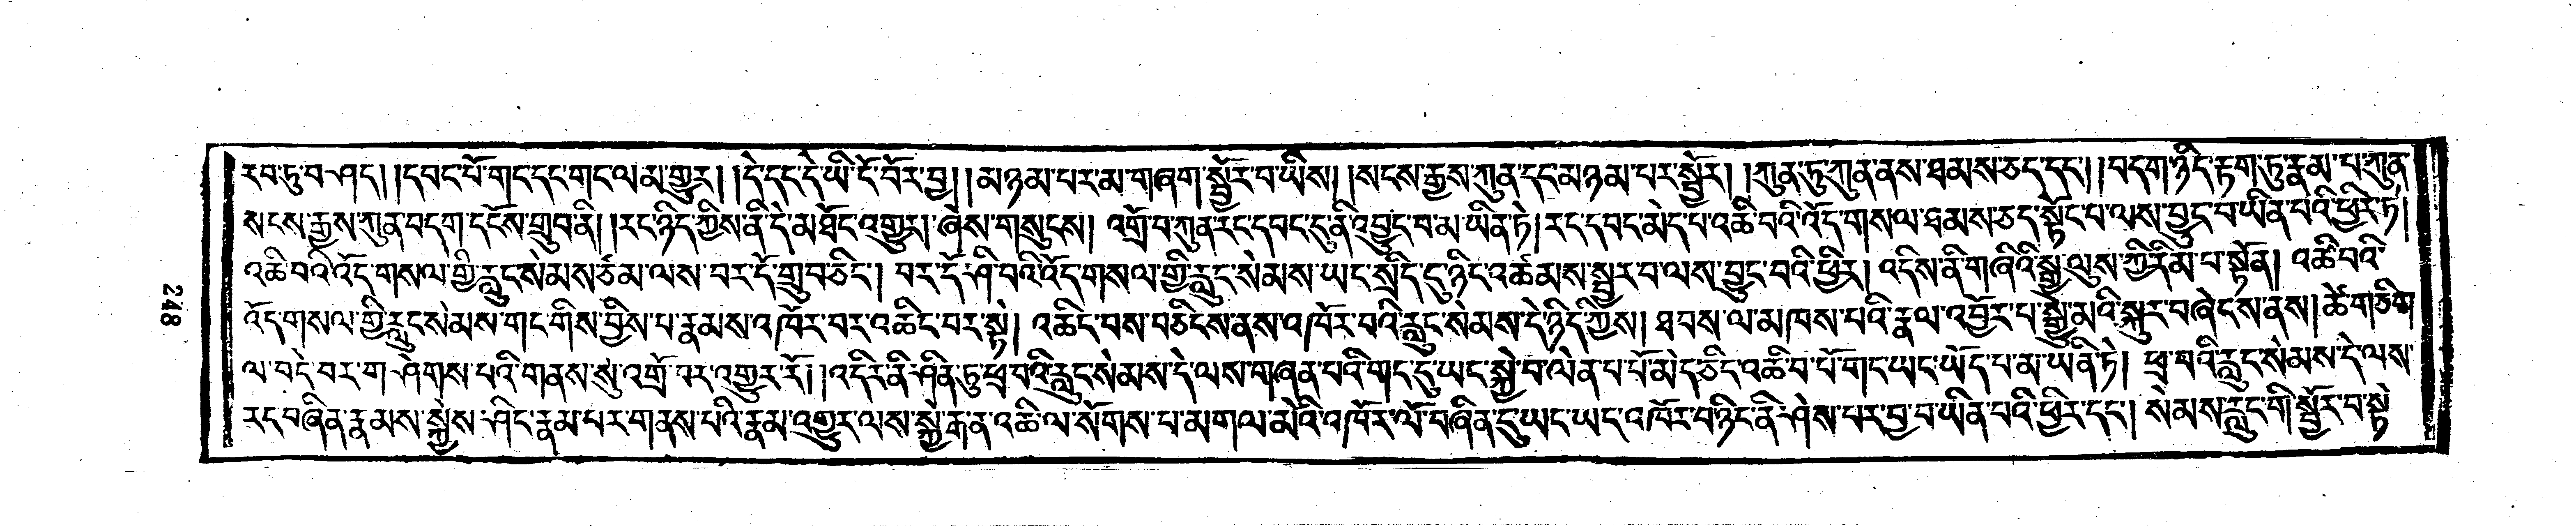རབ་ཏུ་བཤད། །དབང་པོ་གང་དང་གང་ལམ་གྱུར། །དེ་དང་དེ་ཡི་ངོ་བོར་བྱ། །མཉམ་པར་མ་གཞག་སྦྱོར་བ་ཡིས། །སངས་རྒྱས་ཀུན་དང་མཉམ་པར་སྦྱོར། །ཀུན་ཏུ་ཀུན་ནས་ཐམས་ཅད་དང་། །བདག་ཉིད་རྟག་ཏུ་རྣམ་པ་ཀུན་
སངས་རྒྱས་ཀུན་བདག་དངོས་གྲུབ་ནི། །རང་ཉིད་ཀྱིས་ནི་དེ་མཐོང་འགྱུར། ཞེས་གསུངས། འགྲོ་བ་ཀུན་རང་དབང་དུ་ནི་འབྱུང་བ་མ་ཡིན་ཏེ། རང་དབང་མེད་པ་འཆི་བའི་འོད་གསལ་ཐམས་ཅད་སྟོང་པ་ལས་བྱུང་བ་ཡིན་པའི་ཕྱིར་ཏེ།
འཆི་བའི་འོད་གསལ་གྱི་རླུང་སེམས་ཙམ་ལས་བར་དོ་གྲུབ་ཅིང་། བར་དོ་ཤི་བའི་འོད་གསལ་གྱི་རླུང་སེམས་ཡང་སྲིད་དུ་ཉིང་འཚམས་སྦྱར་བ་ལས་བྱུང་བའི་ཕྱིར། འདིས་ནི་གཞིའི་སྒྱུ་ལུས་ཀྱི་རིམ་པ་སྟོན། འཆི་བའི་
འོད་གསལ་གྱི་རླུང་སེམས་གང་གིས་བྱིས་པ་རྣམས་འཁོར་བར་འཆིང་བར་སྟེ། འཆིང་བས་བཅིངས་ནས་འཁོར་བའི་རླུང་སེམས་དེ་ཉིད་ཀྱིས། ཐབས་ལ་མཁས་པའི་རྣལ་འབྱོར་པ་སྒྱུ་མའི་སྐུར་བཞེངས་ནས། ཚེ་གཅིག་
ལ་བདེ་བར་གཤེགས་པའི་གནས་སུ་འགྲོ་བར་འགྱུར་རོ། །འདིར་ནི་ཤིན་ཏུ་ཕྲ་བའི་རླུང་སེམས་དེ་ལས་གཞན་པའི་གང་དུ་ཡང་སྐྱེ་བ་ལེན་པ་པོ་མེད་ཅིང་འཆི་བ་པོ་གང་ཡང་ཡོད་པ་མ་ཡིན་ཏེ། ཕྲ་བའི་རླུང་སེམས་དེ་ལས་
རང་བཞིན་རྣམས་སྐྱེས་ཤིང་རྣམ་པར་གནས་པའི་རྣམ་འགྱུར་ལས་སྐྱེ་རྒ་ན་འཆི་ལ་སོགས་པ་མགལ་མེའི་འཁོར་ལོ་བཞིན་དུ་ཡང་ཡང་འཁོར་བ་ཉིད་ནི་ཤེས་པར་བྱ་བ་ཡིན་པའི་ཕྱིར་དང་། སེམས་རླུང་གི་སྦྱོར་བ་སྟེ་